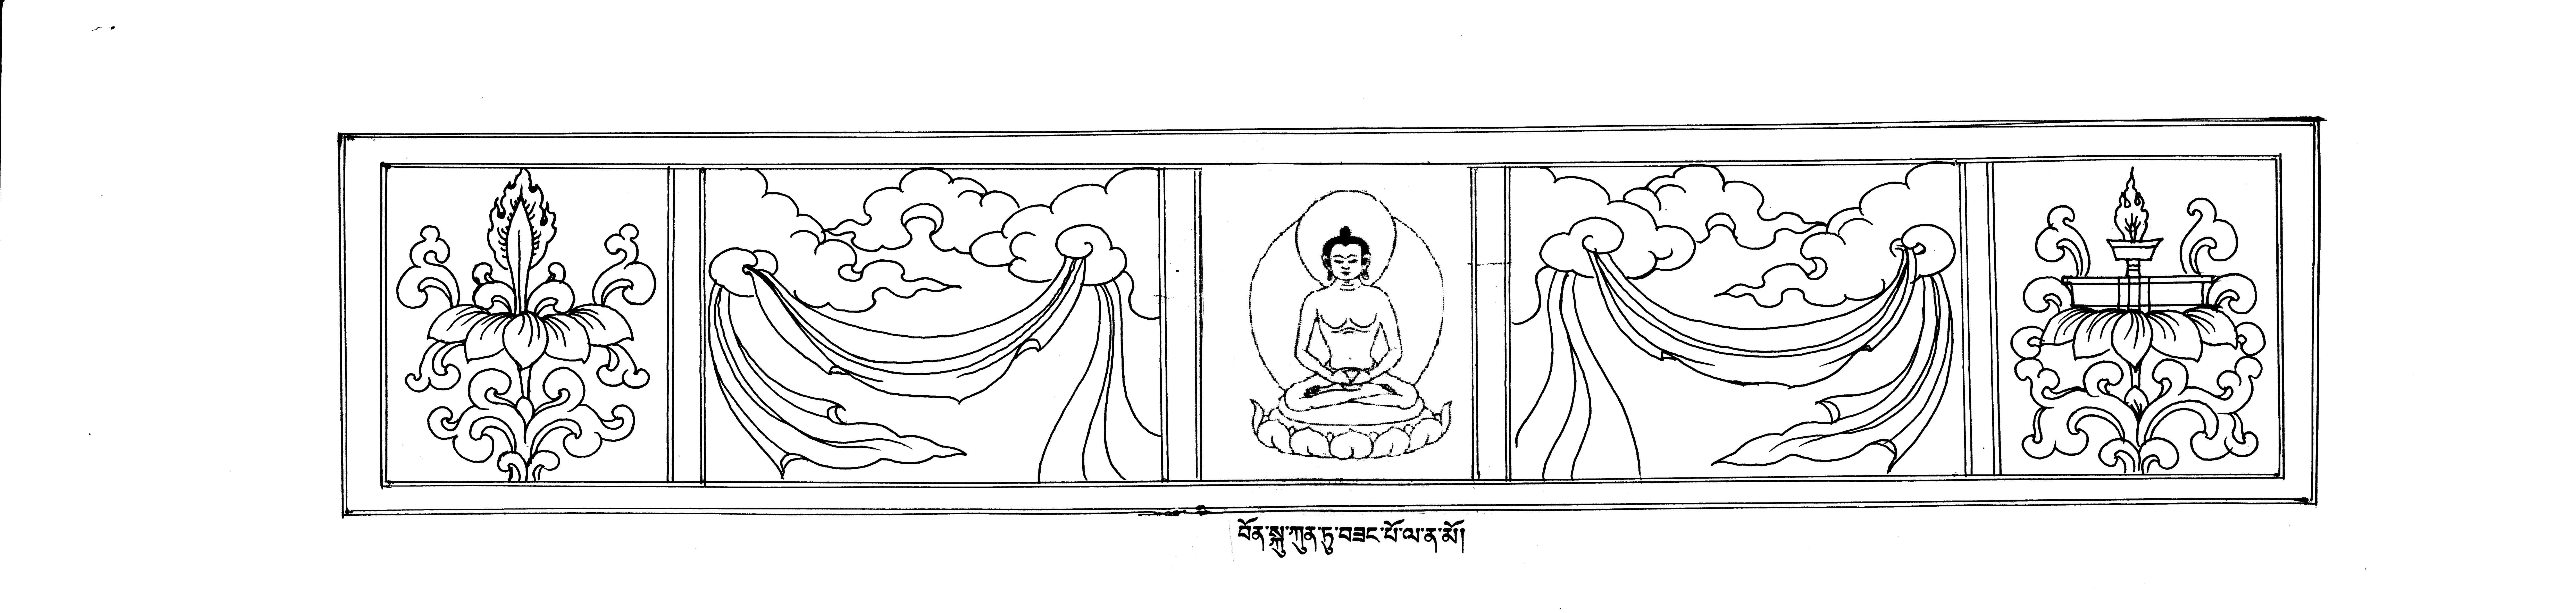བོན་ཀུན་ཏུ་བཟང་པོ་ལ་ན་མོ།